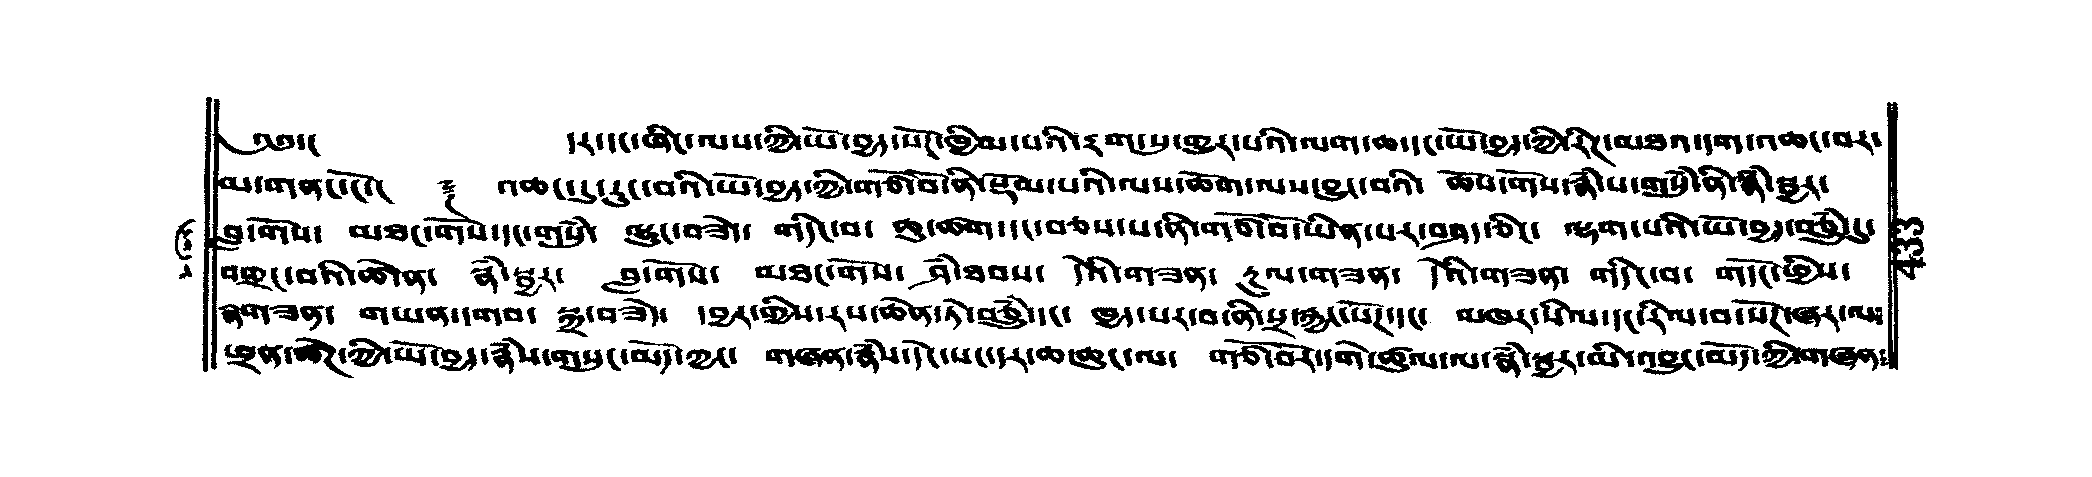དར་དང་ཞིང་ལས་ཀྱི་ཡོ་བྱད་སོགས་ཁྱིམ་པའི་རྟགས་སུ་གྱུར་པའི་ལག་ཆ་དང་ཡོ་བྱད་ཀྱི་རིགས་མཐའ་དག་འཆང་བར་
མ་གནང་ངོ་། འཆང་དུ་རུང་བའི་ཡོ་བྱད་ཀྱི་གཙོ་བོ་ནི་སྡོམ་པའི་ལས་ཆོག་ལས་བྱུང་བའི། ཆོས་གོས་རྣམ་པ་གསུམ་ནི། རྣམ་སྦྱར། 
བླ་གོས། མཐང་གོས་དང་གསུམ། ལྷུང་བཟེད། གདིང་བ། ཆུ་ཚགས་དང་བཅས་པ་ནི་གཙོ་བོ་ཡིན་པར་བཤད་ཅིང་། ལྷག་པའི་ཡོ་བྱད་བཅུ་གསུམ་དུ་
བགྲང་བའི་ཚེ་ན། སྣམ་སྦྱར། བླ་གོས། མཐང་གོས། ཤམ་ཐབས། དེའི་གཟན། རྔུལ་གཟན། དེའི་གཟན། གདིང་བ། གདོང་ཕྱིས། 
སྣག་ཟན། གཡན་དགབ། སྐྲ་བཟེད། དབྱར་གྱིས་རས་ཆེན་ཏེ་བཅུ་གསུམ་དང་། ཁྱད་པར་བ་ནི་སྲ་ཀྱང་སོགས་དང་། མཁར་སིལ་དང་རིལ་བ་སོགས་ཞར་ལ་
ཕྲན་ཚེགས་ཀྱི་ཡོ་བྱད་རྣམས་གསུངས་མོད་ཀྱང་། གཞན་རྣམས་དེང་སང་དར་ཆ་ཆུང་ལ། གཙོ་བོར་དགེ་ཚུལ་ལ་སྣམ་སྦྱར་མི་འབྱུང་མོད་ཀྱི་གཞན་